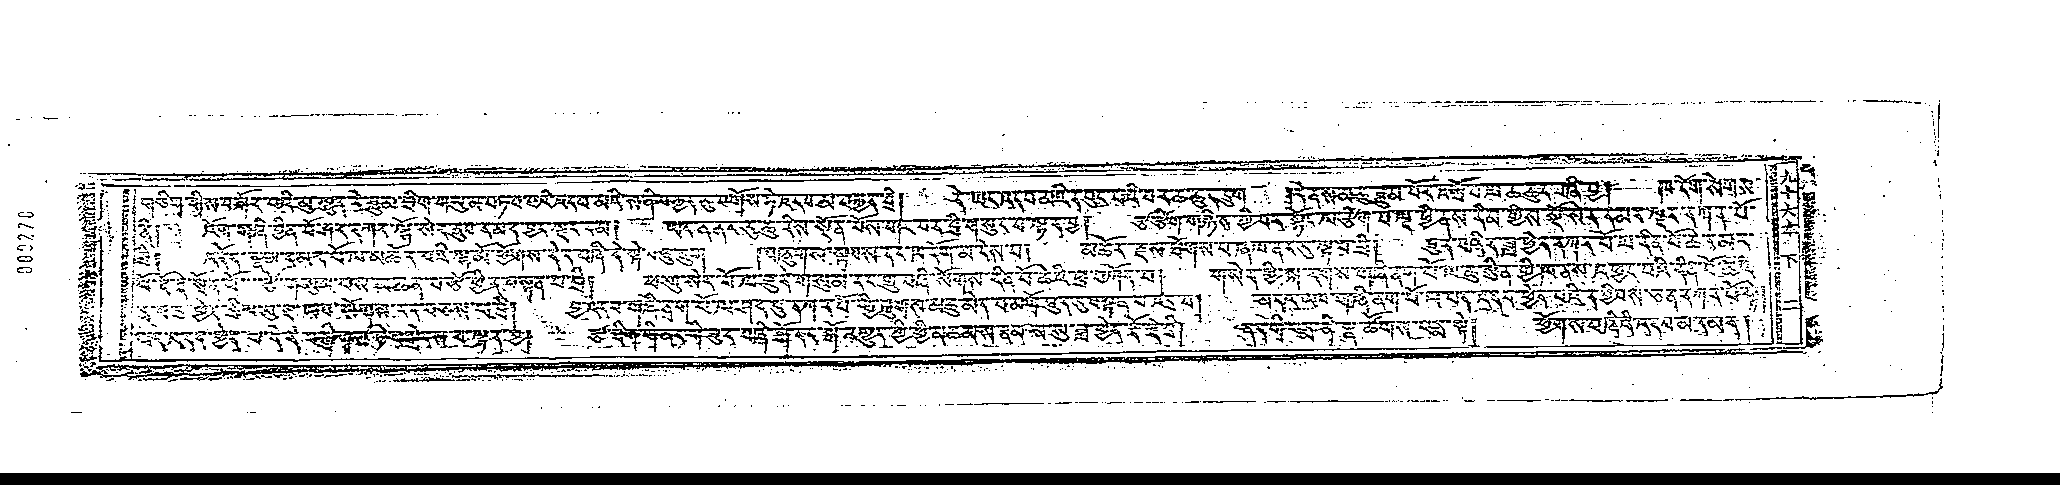གཅིག་གས་བསྐོར་བའི་མུ་ཁྱུད་དེ་ཟླུམ་ཐིག་གསུམ་བཏབ་པའི་འདབ་མའི་ས་ནི་བརྒྱད་དུ་བགོས་ཏེ་འདབ་མ་བརྒྱད་བྲི། དེ་ཡང་འདབ་མའི་དཔུང་པའི་བར་ཆ་ཆུང་དྲུག་དེ་ནས་མཆུ་ཟླུམ་པོར་འགྲོ་བ་ལ་ཆ་ཆུང་བཞི་བྱ། ཁ་དོག་སོགས་
ནི། འོག་གཞི་བྱིན་བོ་ཤར་དཀར་ལྷོ་སེར་ནུབ་དམར་བྱང་ལྗང་དམ། ཡད་ན་ནང་དུ་ཆུ་རིས་སྔོན་བོས་གང་བར་བྲི་གསུང་བ་ལྟར་བྱ། རྩ་རྩིག་གཉིས་ཀྱི་བར་སྟོང་ལ་རྩིག་པ་ལྔ་ཕྱི་ནས་རིམ་གྱིས་སྔོ་སེར་དམར་ལྗང་དཀར་པོ་
བྲི། འདོད་སྣམ་དམར་པོ་ལ་མཆོད་པའི་ལྷ་མོ་ཕྱོགས་རེར་བཞི་རེ་སྟེ་བཅུ་དྲུག །བཞུགས་སྟབས་དང་ཁ་དོག་མ་ངེས་པ། མཆོད་རྫས་ཐོགས་པ་ཞལ་ནང་དུ་ལྟ་བ་བྲི། ཟུར་བཞིར་ཟླ་ཕྱེད་དཀར་པོ་ལ་རིན་པོ་ཆེ་དམར་
པོ་རྡོ་རྗེ་སྔོན་པོ་རྩེ་གསུམ་པས་མཚན་པ་རྩེ་ཕྱིར་བསྟན་པ་བྲི། ཕ་གུ་སེར་པོ་ལ་ཟུར་གསུམ་དང་གྲུ་བཞི་སོགས་རིན་པོ་ཆེའི་ཕྲ་བཀོད་པ། གསེར་གྱི་སྐ་རགས་གཞི་ནག་པོ་ལ་ཆུ་སྲིན་གྱི་ཁ་ནས་འཕྱད་བའི་རིན་པོ་ཆེའི་
དྲ་བ་དྲ་ཕྱེད་དྲིལ་བུ་རྔ་ཡབ་སོགས་དང་བཅས་པ་བྲི། བྱ་འདབ་གཞི་ནག་པོ་ལ་ཤར་བུ་དཀར་པོ་སྦྱི་བླུགས་མཆུ་མེད་པ་མགོ་ཐུར་དུ་བསྟན་པ་འདྲ་བ། མདའ་ཡབ་གཞི་ནག་པོ་ལ་བད་འདབ་ཕྱེད་པའི་དབྱིབས་ཅན་དཀར་པོ་སྟེ།
བད་འདབ་ཕྱེད་པ་རེ་རེ་བསྒྲིགས་ཏེ་བསྒྲེངས་བ་ལྟར་བྱ། རྩ་ཐིག་གི་ནང་གི་ཟུར་བཞི་སྒོ་དང་སྒོ་འཁྱུད་ཀྱི་ཕྱི་མཚམས་རྣམས་སུ་ཟླ་ཕྱེད་རྡོ་རྗེ་བྲི། ནང་གི་པདམ་ནི་སྣ་ཚོགས་པདམ་སྟེ། ཕྱོགས་བཞིའི་འདབ་མ་དམར།